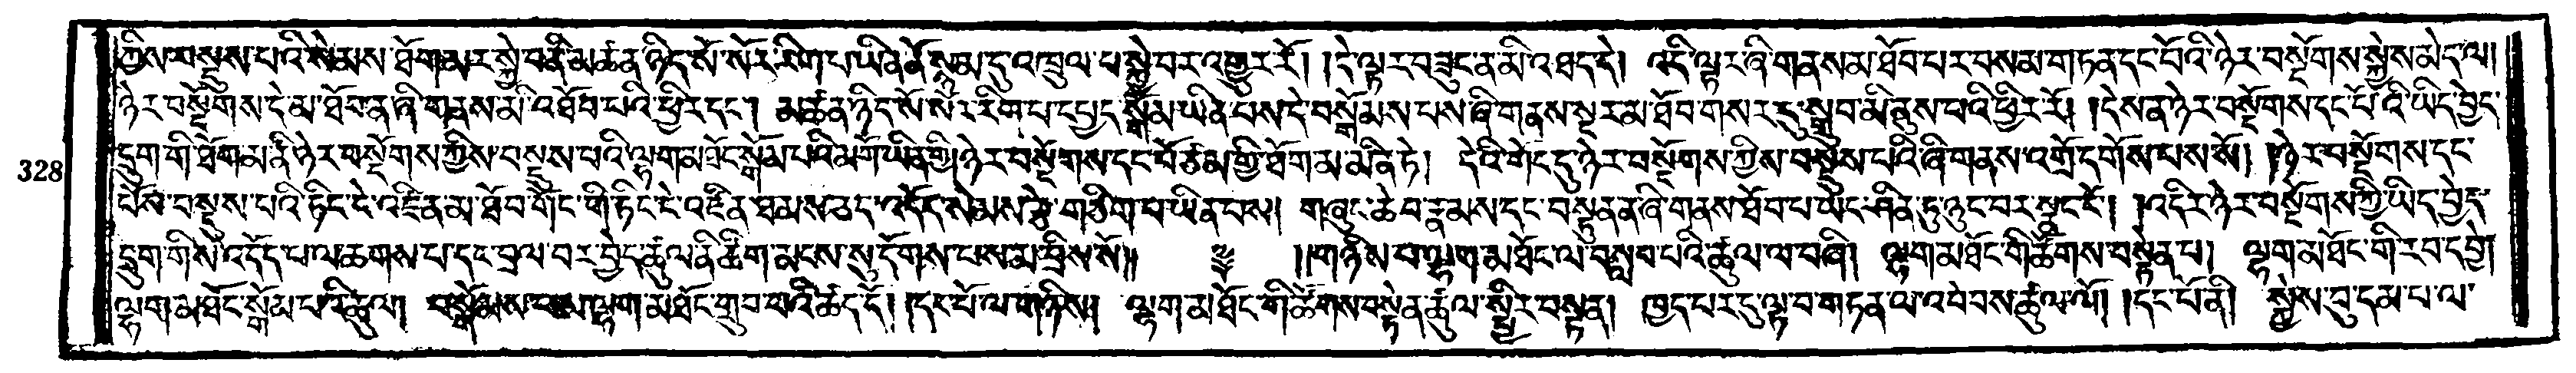ཀྱིས་བསྡུས་པའི་སེམས་ཐོག་མར་སྐྱེ་བ་ནི་མཚན་ཉིད་སོ་སོར་རིག་པ་ཡིན་ནོ་སྙམ་དུ་འཁྲུལ་པ་སྐྱེ་བར་འགྱུར་རོ། །དེ་ལྟར་བཟུང་ན་མི་འཐད་དེ། འདི་ལྟར་ཞི་གནས་མ་ཐོབ་པར་བསམ་གཏན་དང་པོའི་ཉེར་བསྡོགས་སྐྱེས་མེད་ལ།
ཉེར་བསྡོགས་དེ་མ་ཐོབ་ན་ཞི་གནས་མི་འཐོབ་པའི་ཕྱིར་དང་། མཚན་ཉིད་སོ་སོར་རིག་པ་དཔྱད་སྒོམ་ཡིན་པས་དེ་བསྒོམས་པས་ཞི་གནས་སྔར་མ་ཐོབ་གསར་དུ་སྒྲུབ་མི་ནུས་པའི་ཕྱིར་རོ། །དེས་ན་ཉེར་བསྔོགས་དང་པོའི་ཡིད་བྱེད་
དྲུག་གི་ཐོག་མ་ནི་ཉེར་བསྔོགས་ཀྱིས་བསྡུས་པའི་ལྷག་མཐོང་སྒོམ་པའི་མགོ་ཡིན་གྱི། ཉེར་བསྡོགས་དང་པོ་ཙམ་གྱི་ཐོག་མ་མིན་ཏེ། དེའི་གོང་དུ་ཉེར་བསྔོགས་ཀྱིས་བསྡུས་པའི་ཞི་གནས་འགྲོ་དགོས་པས་སོ། །ཉེར་བསྡོགས་དང་
པོས་བསྡུས་པའི་ཏིང་ངེ་འཛིན་མ་ཐོབ་གོང་གི་ཏིང་ངེ་འཛིན་ཐམས་ཅད་འདོད་སེམས་རྩེ་གཅིག་པ་ཡིན་པས། གཞུང་ཆེ་བ་རྣམས་དང་བསྟུན་ན་ཞི་གནས་ཐོབ་པ་ཡང་ཤིན་ཏུ་ཉུང་བར་སྣང་ངོ། །འདིར་ཉེར་བསྡོགས་ཀྱི་ཡིད་བྱེད་
དྲུག་གིས་འདོད་པ་ལ་ཆགས་པ་དང་བྲལ་བར་བྱེད་ཚུལ་ནི་ཚིག་མངས་སུ་དོགས་པས་མ་བྲིས་སོ།། ༈ །།གཉིས་བ་ལྷག་མཐོང་ལ་བསླབ་པའི་ཚུལ་ལ་བཞི། ལྷག་མཐོང་གི་ཚོགས་བསྟེན་པ། ལྷག་མཐོང་གི་རབ་དབྱེ།
ལྷག་མཐོང་སྒོམ་པའི་ཚུལ། བསྒོམས་མ་པས་ལྷག་མཐོང་གྲུབ་པའི་ཚད་དོ། །དང་པོ་ལ་གཉིས། ལྷག་མཐོང་གི་ཚོགས་བསྟེན་ཚུལ་སྤྱིར་བསྟན། ཁྱད་པར་དུ་ལྟ་བ་གཏན་ལ་འབེབས་ཚུལ་ལོ། །དང་པོ་ནི། སྐྱེས་བུ་དམ་པ་ལ་